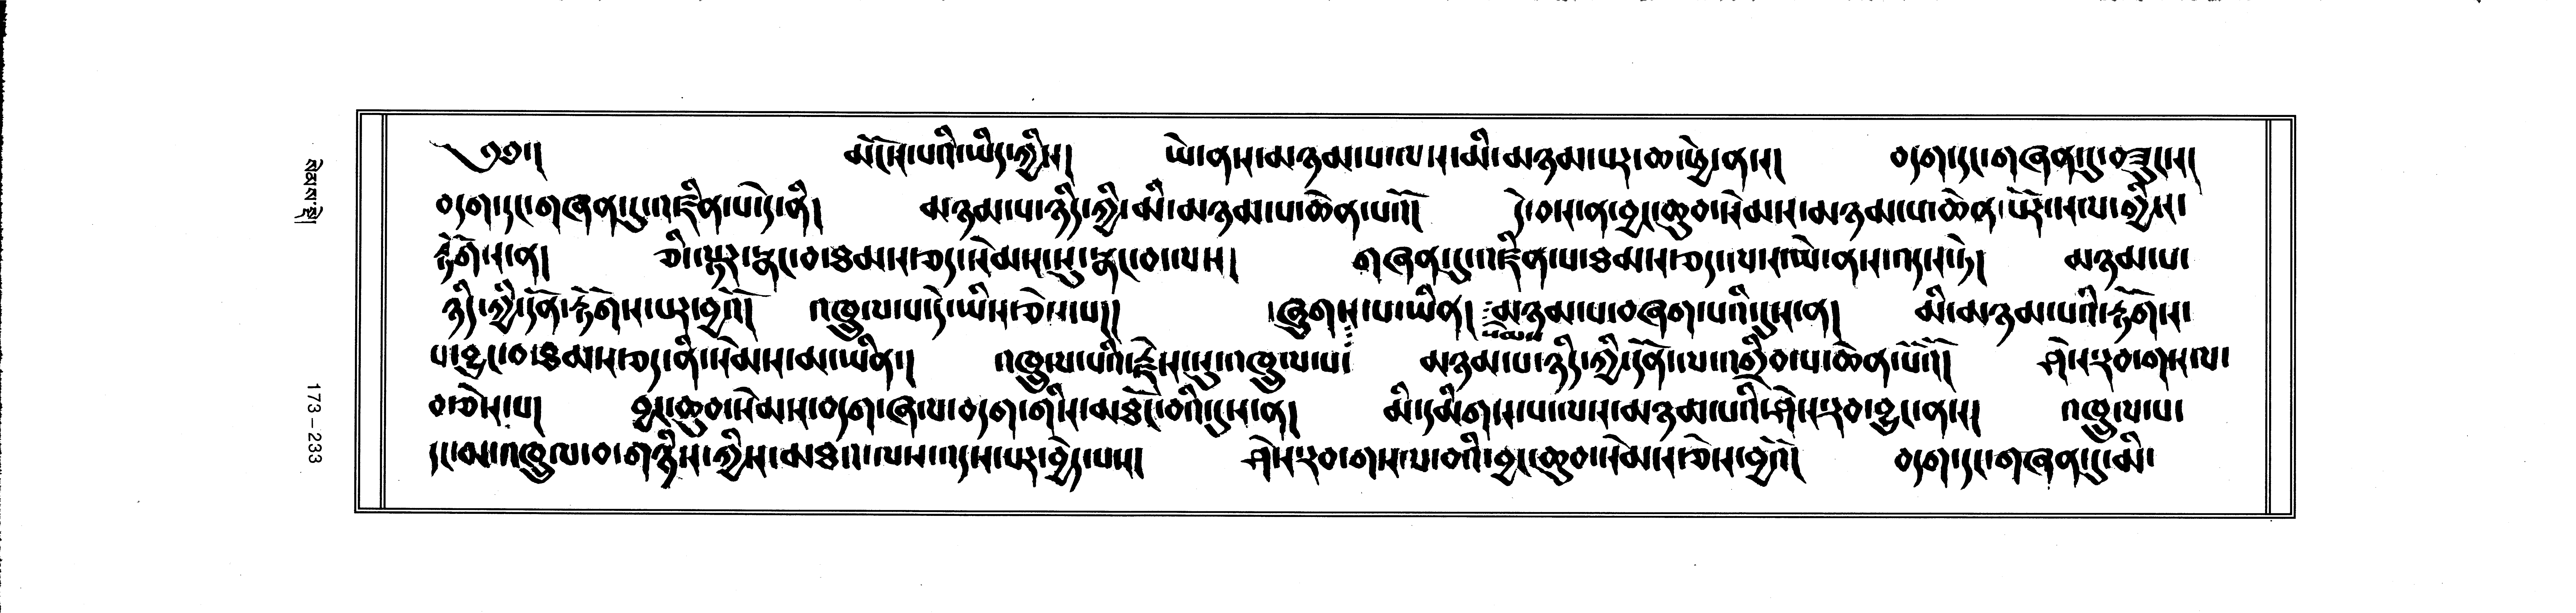མོངས་པའི་ཡིད་ཀྱིས། ཡེ་ནས་མཉམ་པ་ལས་མི་མཉམ་པར་ཆ་ཕྱེ་ནས། བདག་དང་གཞན་དུ་བཟུང་། 
བདག་དང་གཞན་དུ་འཛིན་པ་དེ་ནི། མཉམ་པ་ཉིད་ཀྱི་མི་མཉམ་པ་ཆེན་པོའོ། །དེ་བས་ན་བྱང་ཆུབ་སེམས་མཉམ་པ་ཆེན་པོར་སལ་གྱིས་
རྟོགས་ན། ཅི་ལྟར་སྣང་བ་ཐམས་ཅད་སེམས་སུ་སྣང་བ་ལས། གཞན་དུ་འཛིན་པ་ཐམས་ཅད་ལས་ཡེ་ནས་འདས་ཏེ། མཉམ་པ་
ཉིད་ཀྱི་དོན་རྟོགས་པར་བྱའོ། །འཁྲུལ་པ་དེ་ཡི་ཅེས་པ། འཁྲུལ་པའི་རྗེས་སུ་འཁྲུལ་པ་ཞུགས་པ་ཡིན། སེམས་མཉམ་པ་བཞག་པའི་དུས་ན། མི་མཉམ་པའི་རྟོགས་
པ་བྱུང་བ་ཐམས་ཅད་ནི་སེམས་མ་ཡིན། མཉམ་པ་ཉིད་ཀྱི་དོན་ལ་འགྲིབ་པ་ཆེན་པོའོ། །ཤེས་རབ་གསལ་
བ་ཅེས་པ། བྱང་ཆུབ་སེམས་བདག་ཞལ་བདག་གིས་མཐོང་བའི་དུས་ན། མི་དམིགས་པ་ལས་མཉམ་པའི་ཤེས་རབ་བྱུང་ནས། འཁྲུལ་པ་
དང་མ་འཁྲུལ་པ་གཉིས་ཀྱི་མཐའ་ལས་འདས་པར་བྱེད་པས། ཤེས་རབ་གསལ་བའི་བྱང་ཆུབ་སེམས་ཞེས་བྱའོ། །བདག་དང་གཞན་དུ་མི་